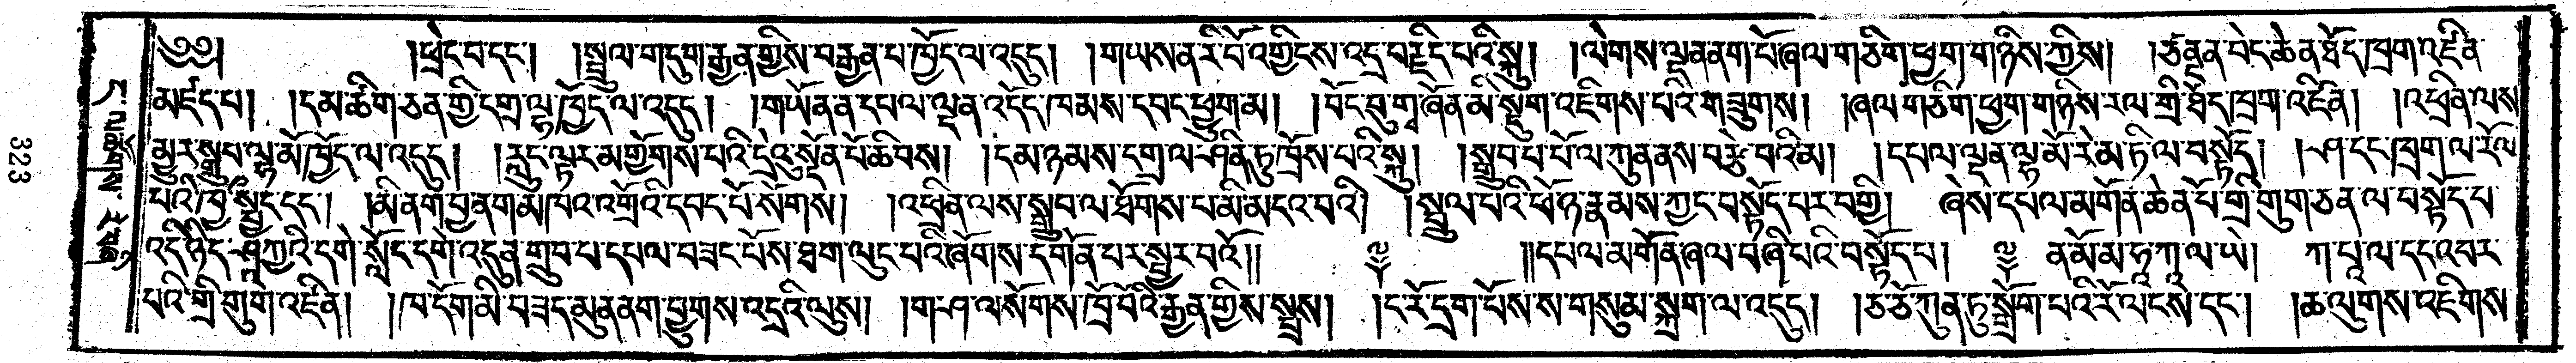༄༅། །ཕྲེང་བ་དང་། །སྤྲུལ་གདུག་རྒྱན་གྱིས་བརྒྱན་པ་ཁྱོད་ལ་འདུད། །གཡས་ན་རི་བོ་འགྱིངས་འདྲ་བརྗིད་པའི་སྐུ། །ལེགས་ལྡན་ནག་པོ་ཞལ་གཅིག་ཕྱག་གཉིས་ཀྱིས། །ཙནྡན་བེད་ཆེན་ཐོད་ཁྲག་འཛིན་
མཛད་པ། །དམ་ཚིག་ཅན་གྱི་དགྲ་ལྷ་ཁྱོད་ལ་འདུད། །གཡོན་ན་དཔལ་ལྡན་འདོད་ཁམས་དབང་ཕྱུག་མ། །བོང་བུ་གྭ་ཞོན་མི་སྡུག་འཇིགས་པའི་གཟུགས། །ཞལ་གཅིག་ཕྱག་གཉིས་རལ་གྲི་ཐོད་ཁྲག་འཛིན། །འཕྲིན་ལས་
མྱུར་སྒྲུབ་ལྷ་མོ་ཁྱོད་ལ་འདུད། །རླུང་ལྟར་མགྱོགས་པའི་དྲེའུ་སྡོན་པོ་ཆིབས། །དམ་ཉམས་དགྲ་ལ་ཤིན་ཏུ་ཁྲོས་པའི་སྐུ། །སྒྲུབ་པ་པོ་ལ་ཀུན་ནས་བརྩེ་བའི་མ། །དཔལ་ལྡན་ལྷ་མོ་རེ་མ་ཏི་ལ་བསྟོད། །ཤ་དང་ཁྲག་ལ་རོལ་
པའི་ཁྱྀ་སྦྱང་དང་། །མི་ནག་བྱ་ནག་མཁའ་འགྲོའི་དབང་པོ་སོགས། །འཕྲིན་ལས་སྒྲུབ་ལ་ཐོགས་པ་མི་མངའ་པའི། །སྤྲུལ་པའི་ཕོ་ཉ་རྣམས་ཀྱང་བསྟོད་པར་བགྱི། ཞེས་དཔལ་མགོན་ཆེན་པོ་གྲི་གུག་ཅན་ལ་བསྟོད་པ་
འདི་ཉིད་ཤཱཀྱའི་དགེ་སློང་དགེ་འདུན་གྲུབ་པ་དཔལ་བཟང་པོས་ཐག་ལུང་བའི་ཞོགས་དགོན་པར་སྦྱར་བའོ།། ༈ །།དཔལ་མགོན་ཞལ་བཞི་པའི་བསྟོད་པ། ༈ །ན་མོ་མ་ཧཱ་ཀཱ་ལ་ཡེ། ཀ་པཱ་ལ་དང་འབར་
པའི་གྲི་གུག་འཛིན། །ཁ་དོག་མི་བཟད་མུན་ནག་བྱུགས་འདྲའི་ལུས། །ག་ཤ་ལ་སོགས་ཁྲོ་བོའི་རྒྱན་གྱིས་སྤྲས། །ང་རོ་དྲག་པོས་ས་གསུམ་སྒྲག་ལ་འདུད། །ཅ་ཅོ་ཀུན་ཏུ་སྒྲོག་པའི་རོ་ལངས་དང་། །ཆ་ལུགས་འཇིགས་